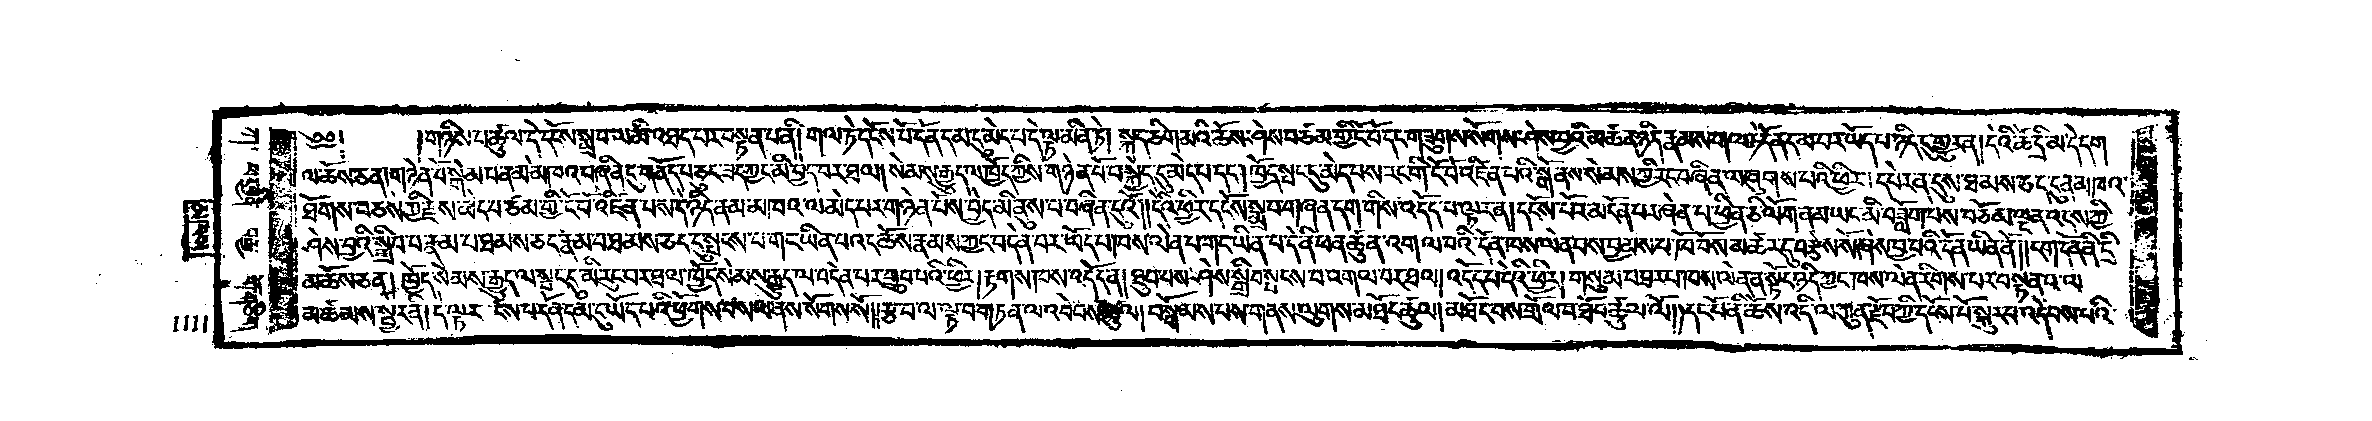༄༅། །གཉིས་པ་ཚུལ་དེ་དངོས་སྨྲ་བ་ལ་མི་འཐད་པར་བསྟན་པ་ནི། གལ་ཏེ་དངོས་པོ་དོན་དམ་དུ་མེད་པ་དེ་ལྟ་མིན་ཏེ། སྐད་ཅིག་མའི་ཆོས་ཤེས་བཙལ་གྱི་ངོ་བོ་དང་གཟུགས་སོགས་ཤེས་བྱའི་མཚན་ཉིད་རྣམས་གལ་ཏེ་དོན་དམ་པར་ཡོད་པ་ཉིད་དུ་གྱུར་ན། དེའི་ཚེ་དྲི་མ་དེ་དག་
ལ་ཆོས་ཅན། གཉེན་པོ་སྒོམ་པ་ནམ་མཁའ་བཞིན་དུ་གནོད་པ་ཅུང་ཟད་ཀྱང་མི་བྱེད་པར་ཐལ། སེམས་རྒྱུད་ལ་ཁྱོད་ཀྱིས་གཉེན་པོ་བསྐྱེད་དུ་མེད་པ་དང་། ཁྱོད་སྤང་དུ་མེད་པས་རང་གི་ངོ་བོ་འཛིན་པའི་སྒོ་ནས་སེམས་ཀྱི་རང་བཞིན་ལ་ཞུགས་པའི་ཕྱིར། དཔེར་ན་དུས་ཐམས་ཅད་དུན་མཁའ་
ཐོགས་བཅས་ཀྱི་རྫས་མེད་པ་ཙམ་གྱི་ངོ་བོ་འཛིན་པས་དེ་ཉིད་ནམ་མཁའ་ལ་མེད་པར་གཉེན་པོས་བྱེད་མི་ནུས་པ་བཞིན་དུའོ། །དེའི་ཕྱིར་དངོས་སྨྲ་བ་གཞན་དག་གིས་འདོད་པ་ལྟར་ན། དངོས་པོར་མངོན་པར་ཞེན་པ་ཕྱིན་ཅི་ལོག་ནམ་ཡང་མི་བཟློག་པས་བཅོམ་ལྡན་འདས་ཀྱི་
ཤེས་བྱའི་སྒྲིབ་པ་རྣམ་པ་ཐམས་ཅད་རྣམ་པ་ཐམས་ཅད་དུ་སྤངས་པ་གང་ཡིན་པའང་ཆོས་རྣམས་ཀྱང་བདེན་པར་ཡོད་པ་ཁས་ལེན་པ་གང་ཡིན་པ་དེ་ནི་ཕན་ཚུན་འགལ་བའི་དོན་ཁས་ལེན་པས་བྱམས་པ་ཁོ་བོས་མཚར་དུ་བརྩེས་སོ་ཞེས་བྱ་བའི་དོན་ཡིན་ནོ། །ངག་དོན་ནི་དྲེ་
མ་ཆོས་ཅན། ཁྱོད་སེམས་རྒྱུད་ལ་སྤང་དུ་མི་རུང་བར་ཐལ་ཁྱོད་སེམས་རྒྱུད་ལ་བདེན་པར་གྲུབ་པའི་ཕྱིར། རྟགས་ཁས་འདོད་ན། ཐུབ་པས་ཤེས་སྒྲིབ་སྤངས་བ་འགལ་བར་ཐལ། འདོད་པ་དེའི་ཕྱིར། གསུམ་པ་ཐར་པ་ཀས་ལེན་ན་སྟོང་ཉིད་ཀྱང་ཁས་ལེན་རིགས་པར་བསྟན་པ་ལ་
མཚམས་སྦྱར་ནི། དེ་ལྟར་ངེས་པ་དོན་དམ་དུ་ཡོད་པའི་ཕྱོགས་བསལ་ནས་སོགས་སོ། །རྩ་བ་ལ་ལྟ་བ་གཏན་ལ་འབེབས་ཚུལ། བསྒོམས་པས་གནས་ལུགས་མཐོང་ཚུལ། མཐོང་བས་གྲོལ་བ་ཐོབ་ཚུལ་ལོ། །དང་པོ་ནི་ཆོས་འདི་ལ་ཀུན་རྫོབ་ཀྱི་དངོས་པོ་སྐུར་བ་འདེབས་པའི་